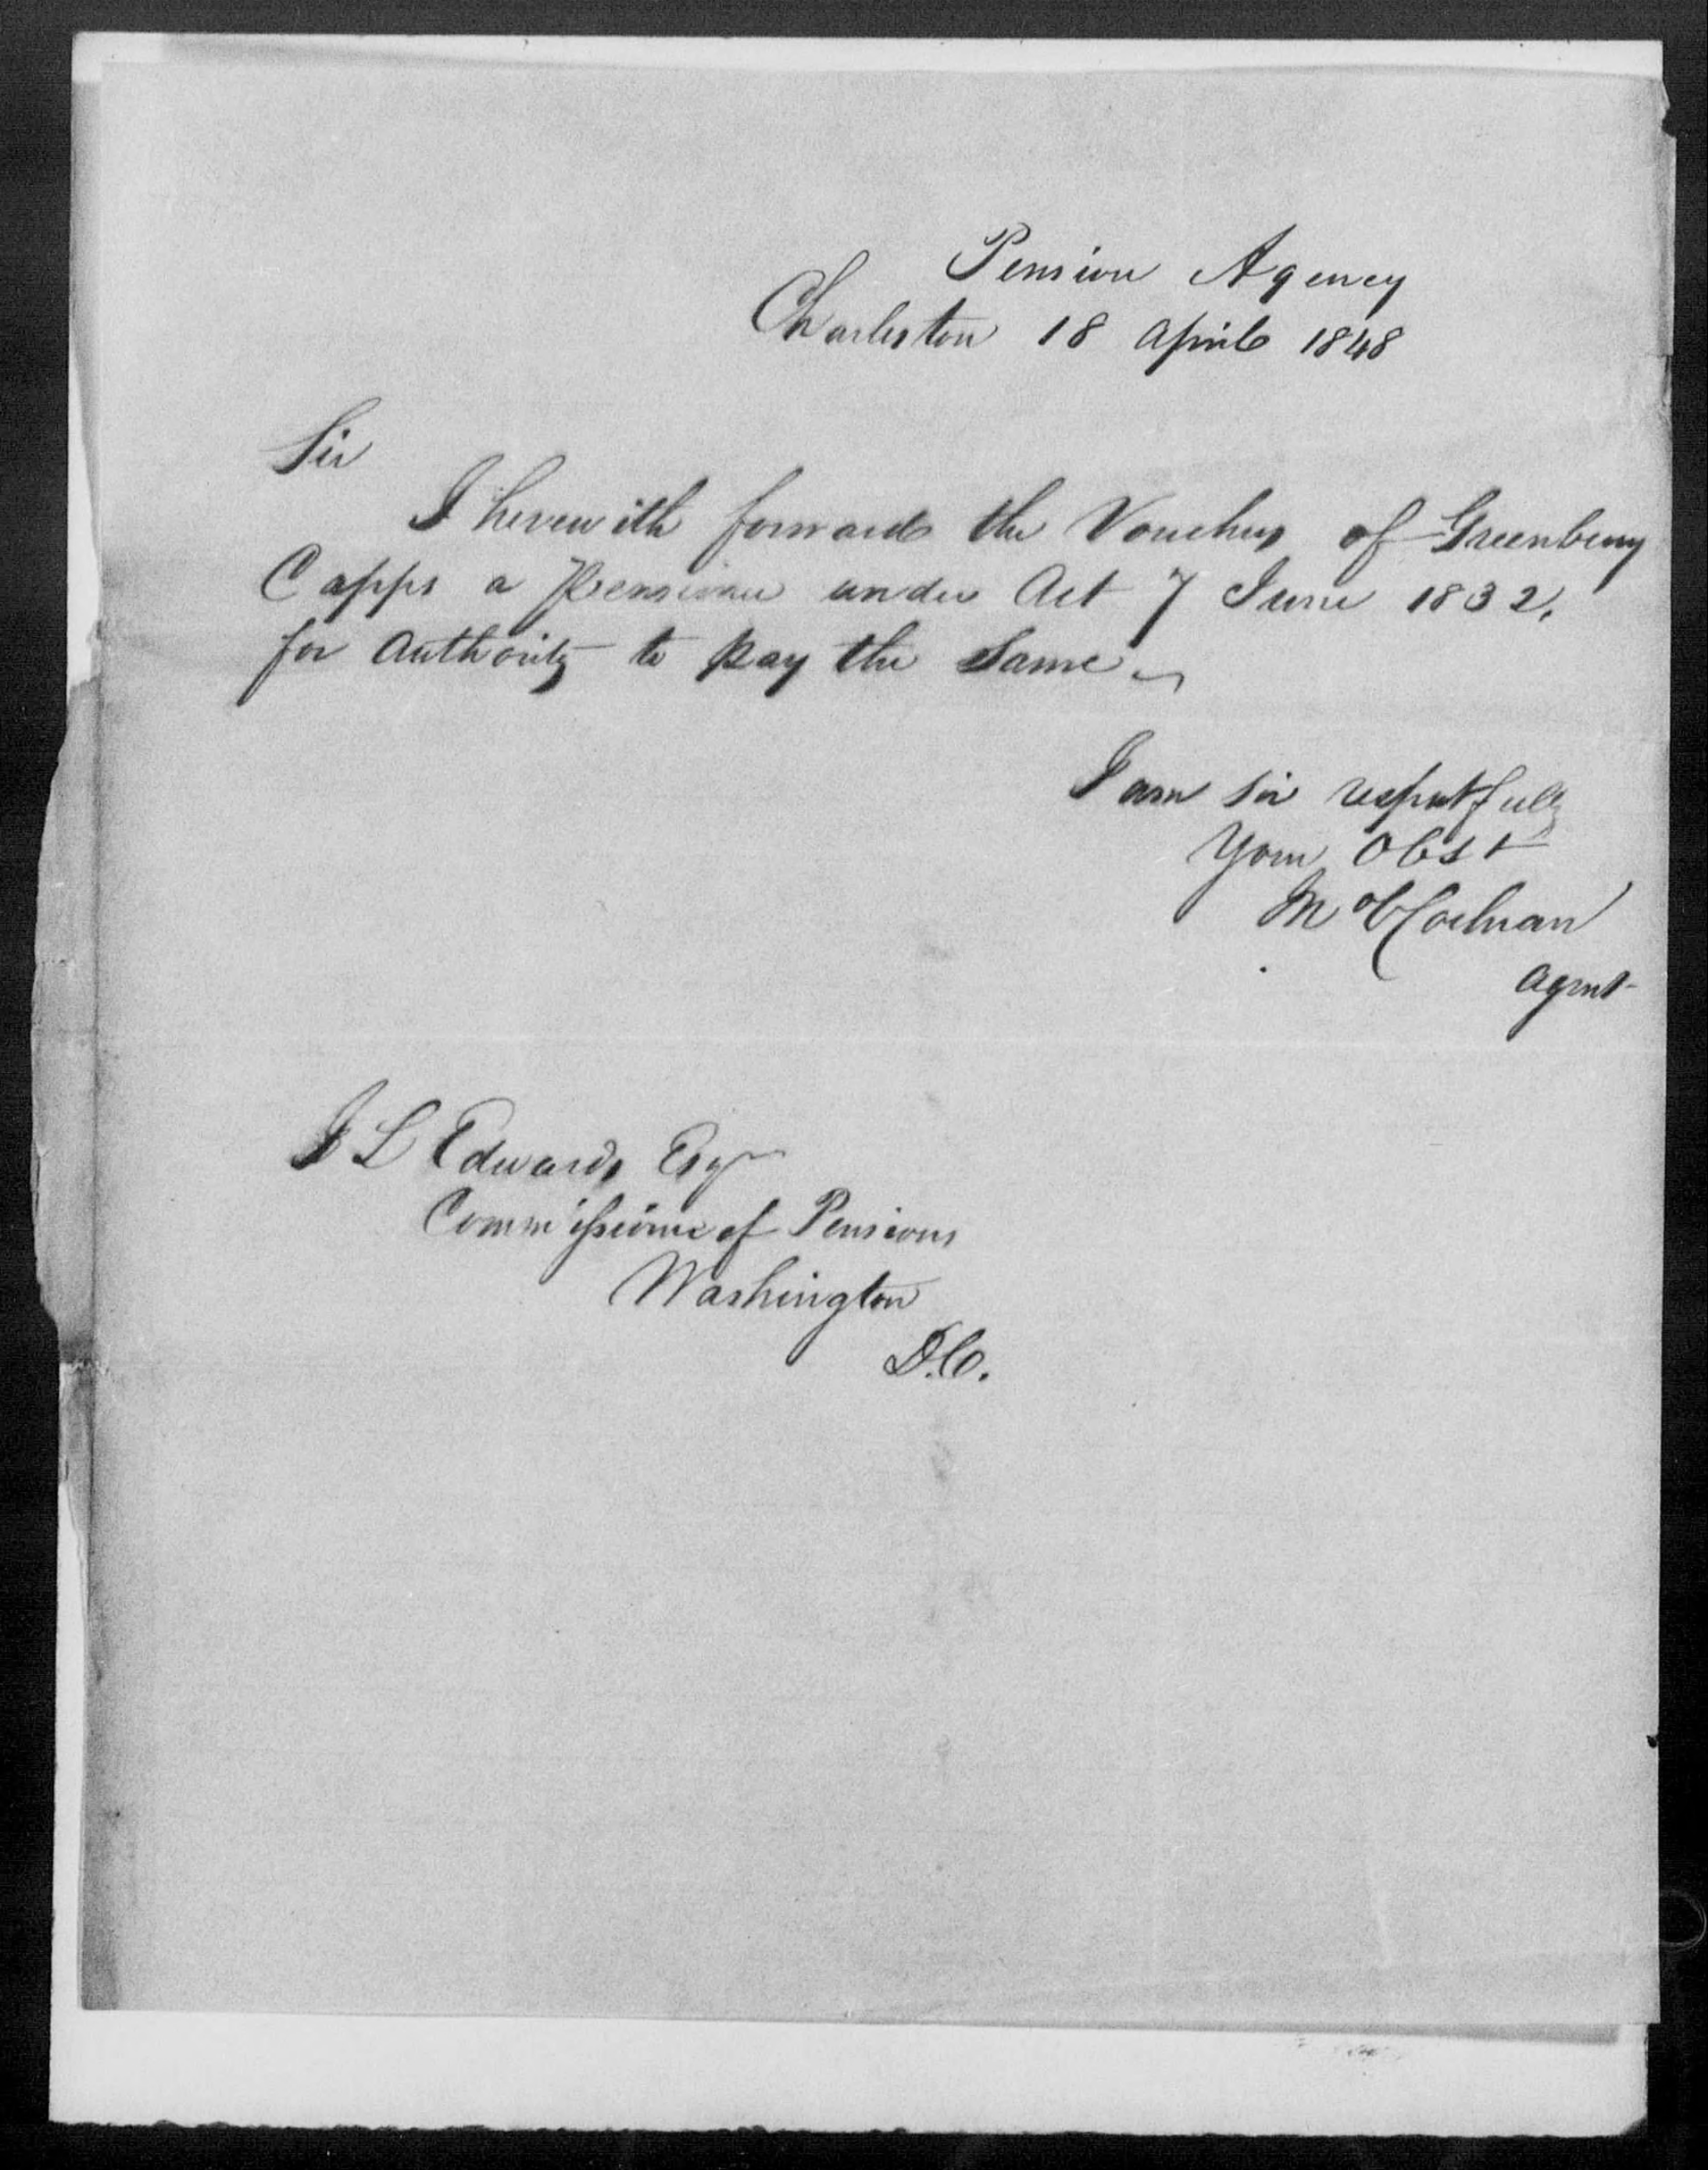Pension Agency
Charleston 18 April 1848

Sir

I herewith forward the Vouchers of Greenberry Capps a pensioner under Act 7 June 1832, for authority to pay the Same

I am sir respectfully
Your Obst [obedient servant]
Jno C Cochran
Agent

J L Edwards, Esq
Commissioner of Pensions
Washington
D.C.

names: Jno C Cochran, J L Edwards, Greenberry Capps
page: 14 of 26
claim: survivor's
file: S. 21105, Greenbery Caps, S.C.